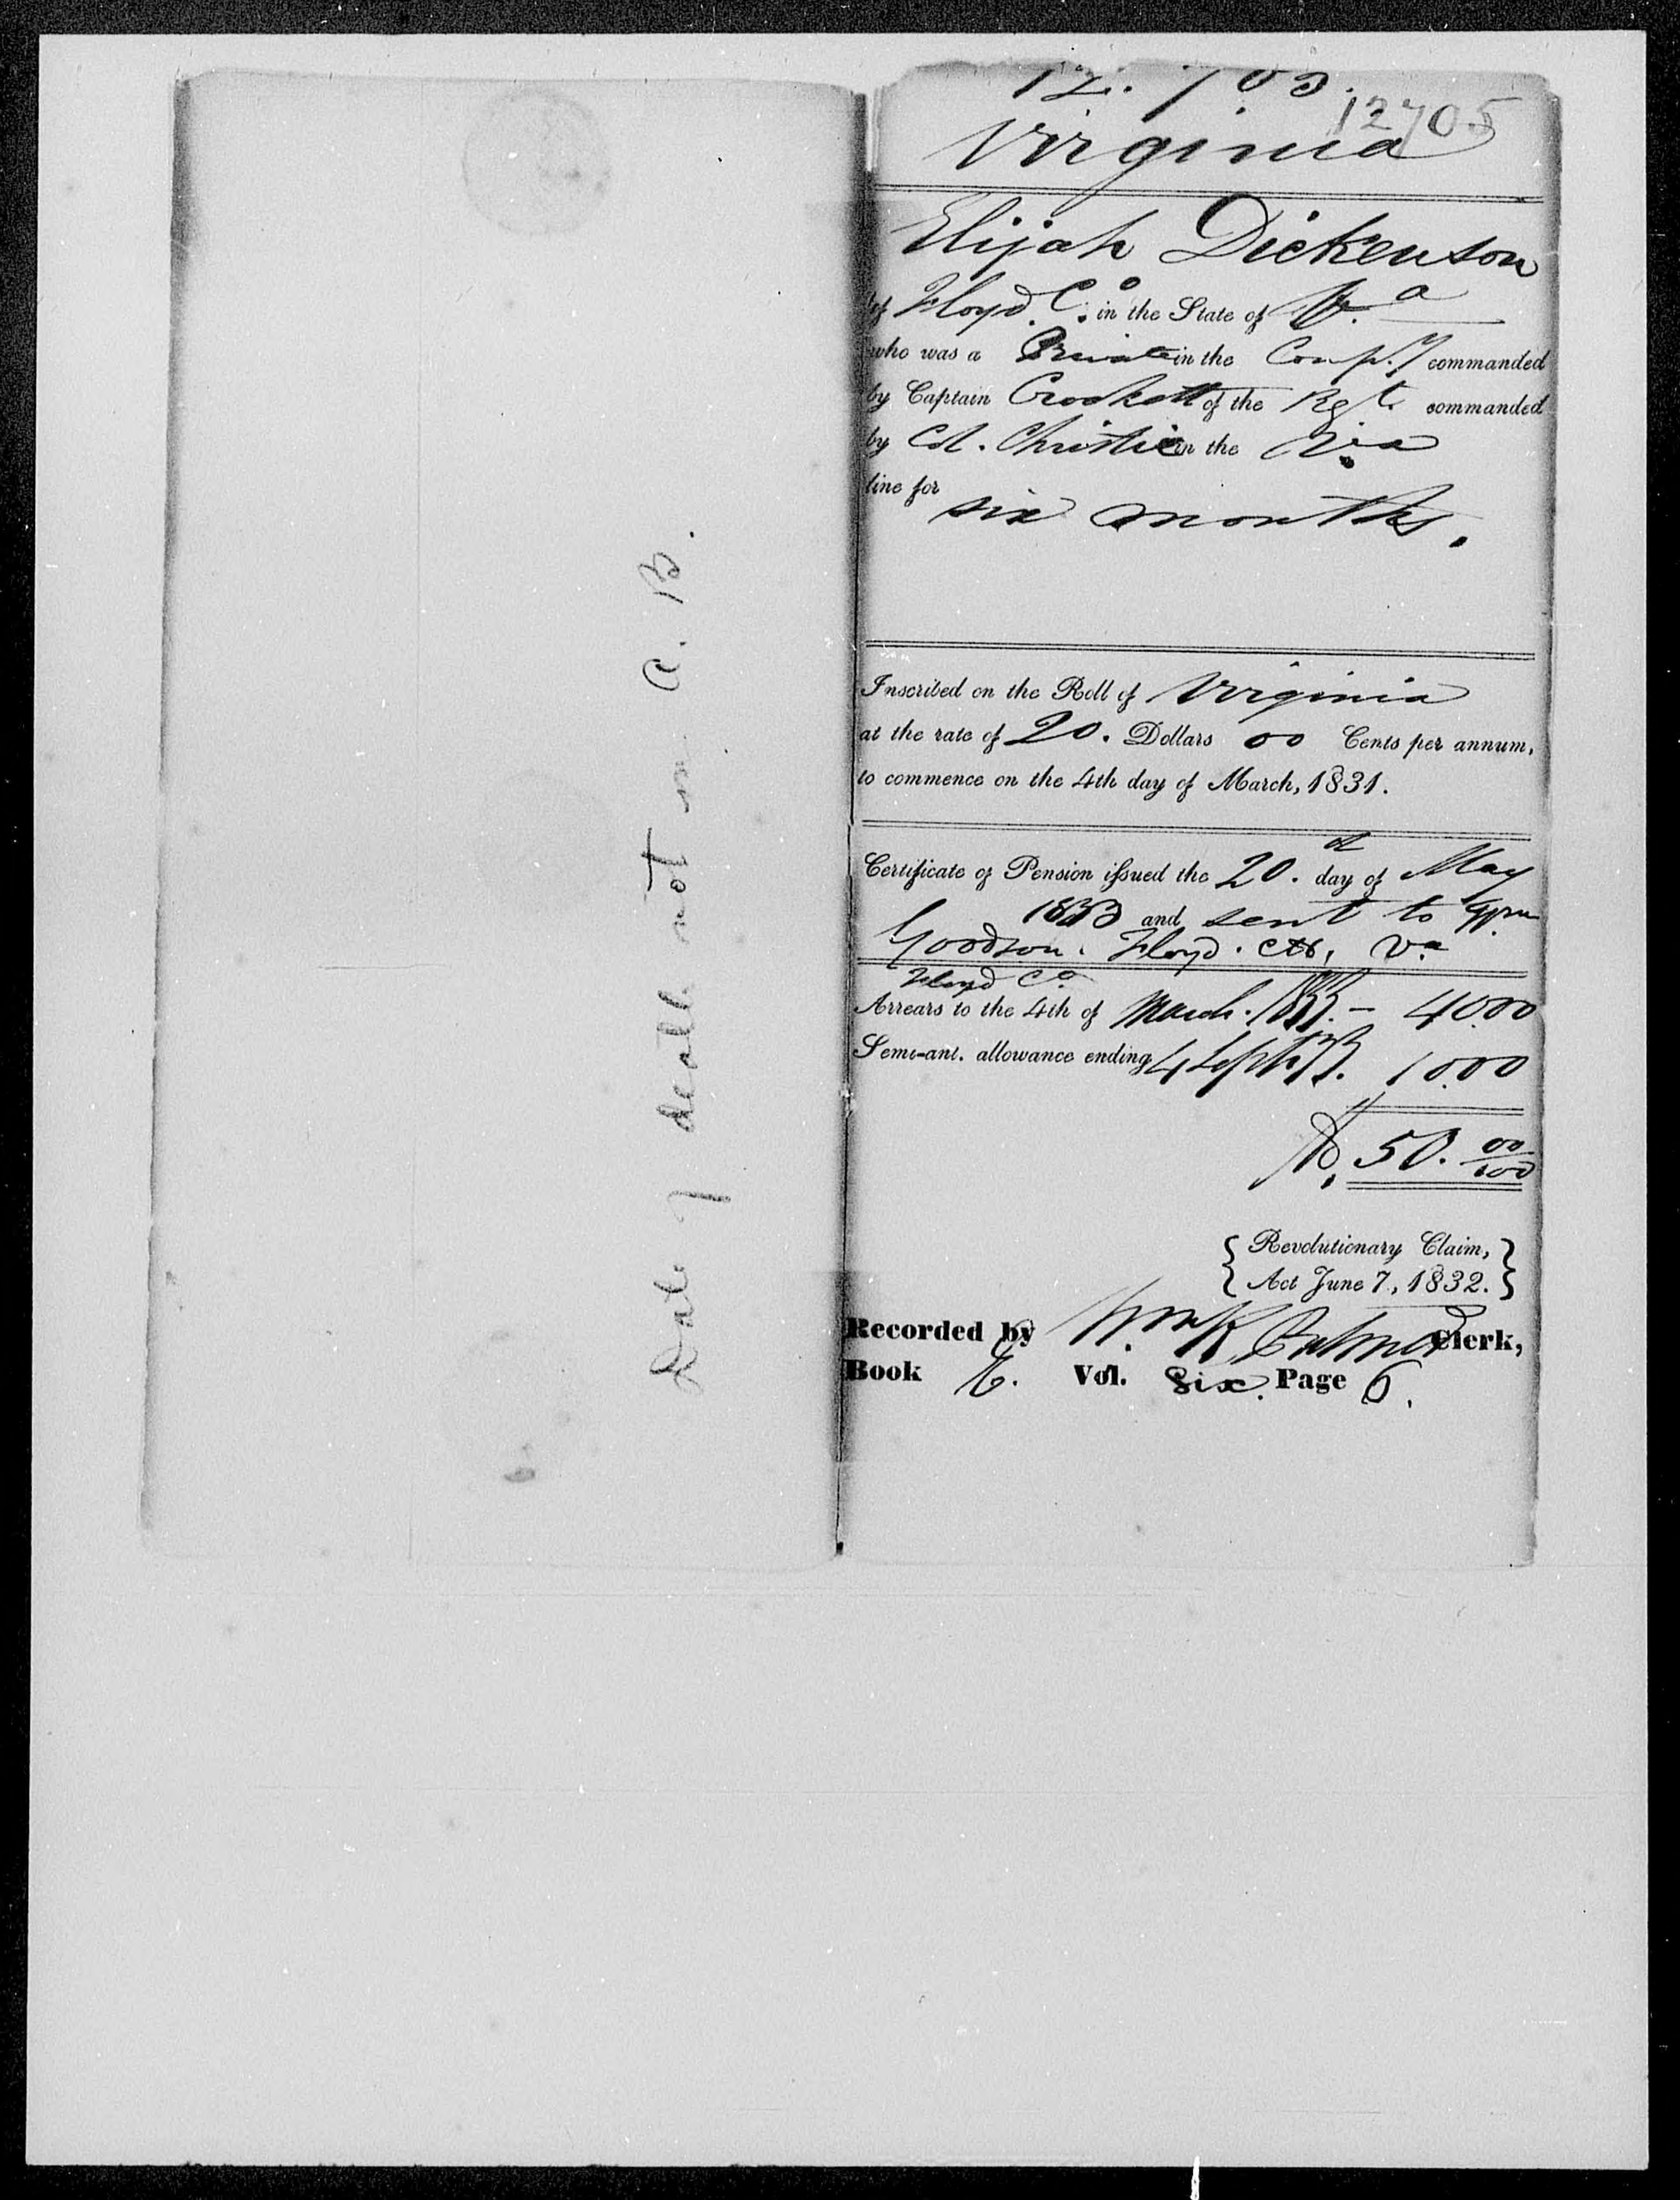[Page 1]
Date of death not in A. B.

[Page 2]
12.703
12705
Virginia
_________
Elijah Dickenson of Floyd Co in the State of Va who was a Private in the Compy commanded by Captain Crockett of the Rgt. commanded by Col. Christie in the Va line for six months.
_______________________
Inscribed on the Roll of Virginia at the rate of 20. Dollars 00 Cents per annum, to commence on the 4th day of March, 1831.
_______________________
Certificate of Pension issued the 20th day of May 1833 and sent to Wm Goodson, Floyd. CH, Va.
_______________________
Floyd Co
Arrears to the 4th of March 1833.-        40.00
Semi-anl. allowance ending 4 Sept 73.  10.00
                                                              $50.00
Recorded by Wm R Palmer Clerk,
Book E. Vol. Six. Page 6.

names: Christie, Wm Goodson, Elijah Dickenson, Wm R Palmer, Crockett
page: 2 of 12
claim: survivor's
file: S. 6796, Elijah Dickenson, Va.